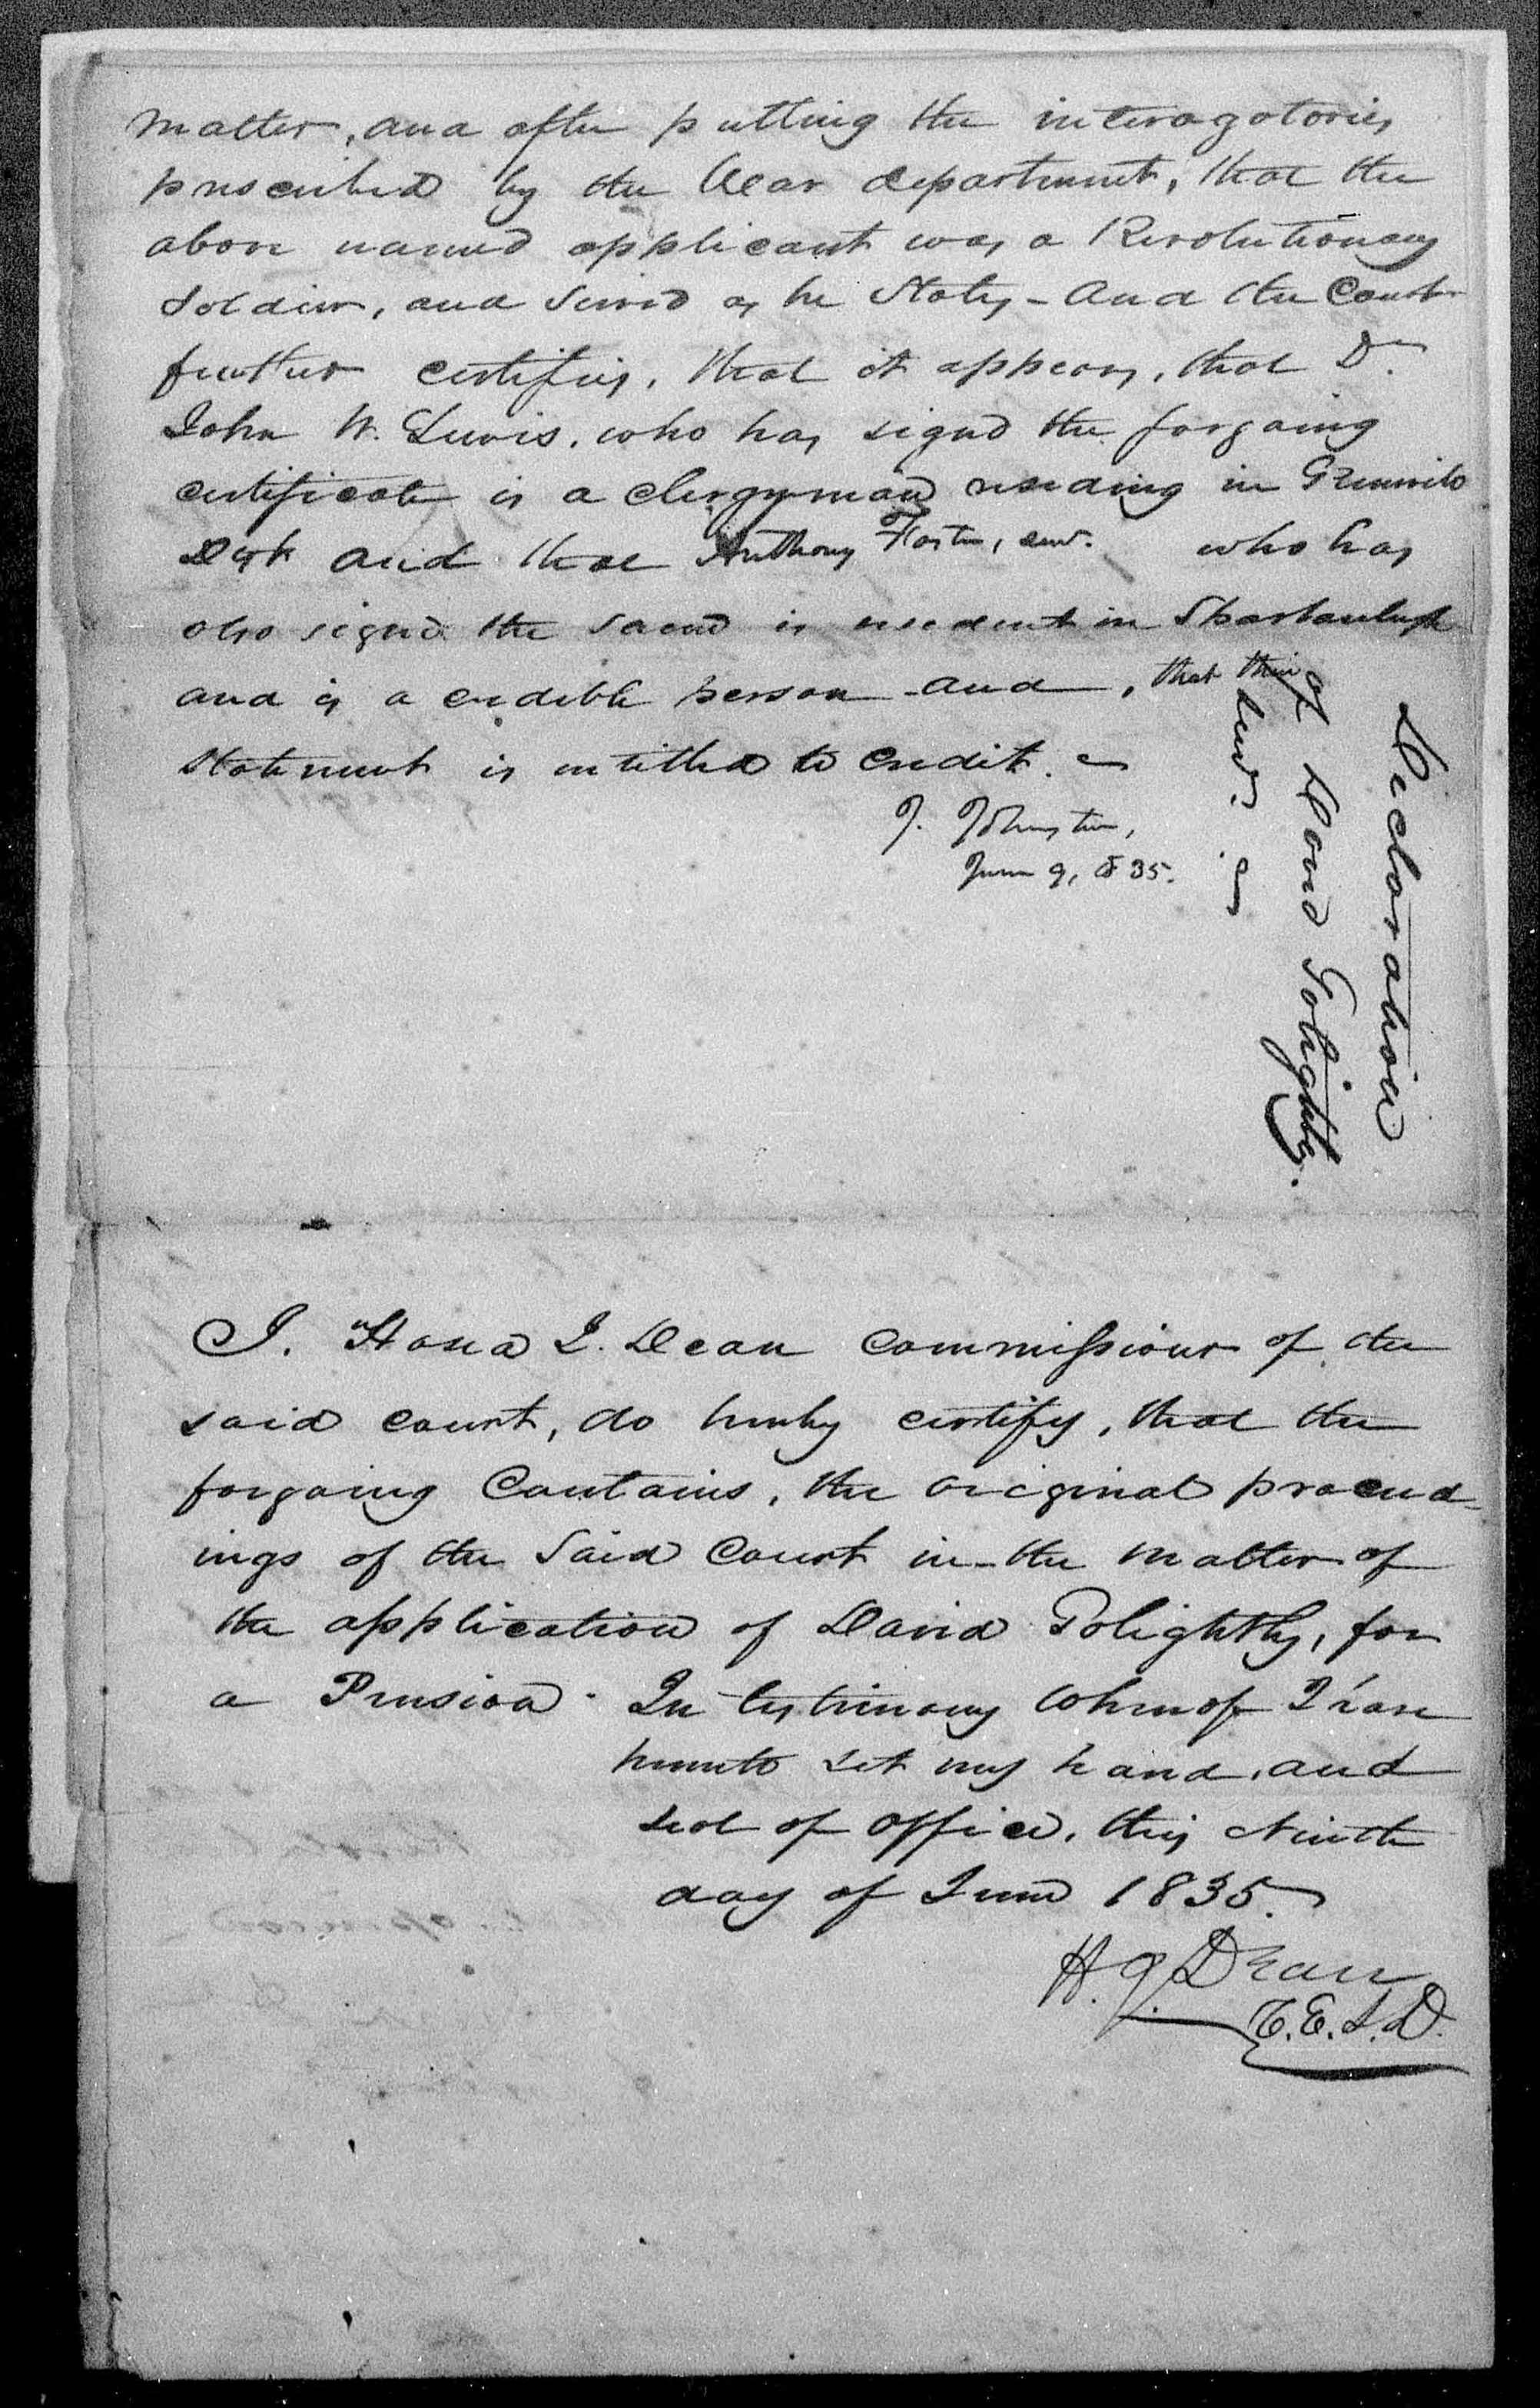matter, and after putting the interogatories prescribed by the War department, that the above named applicant was a Revolutionary soldier, and served as he states – and the Court further certifies, that it appears, that Dr. John W. Lewis, who has signd the forgoing certificate is a clergyman residing in [illegible] and that Anthony Foster, [illegible] who has also signed the same is resident in Spartanbugh and is a credible person and. That their statement is entitled to credit. 

[signature] J. Johnston, June 9, 1835. 

Declaration of David Golightly sent.  

I Hosea J. Dean commissioner of the said court, do hereby certify, that the forgoing contains, the original proceedings of the said court in the matter of the application of David Golightly, for a Pension. In testimony whereof I have hereunto set my hand, and seal of office, this Ninth day of June 1835. 

[signature] H. J. Dean 
[illegible]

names: Anthony Foster, J Johnston, David Golightly, David Golightly, Hosea J Dean, H J Dean, John W Lewis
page: 6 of 57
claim: survivor's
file: S. 18888, David Golightly, S.C.